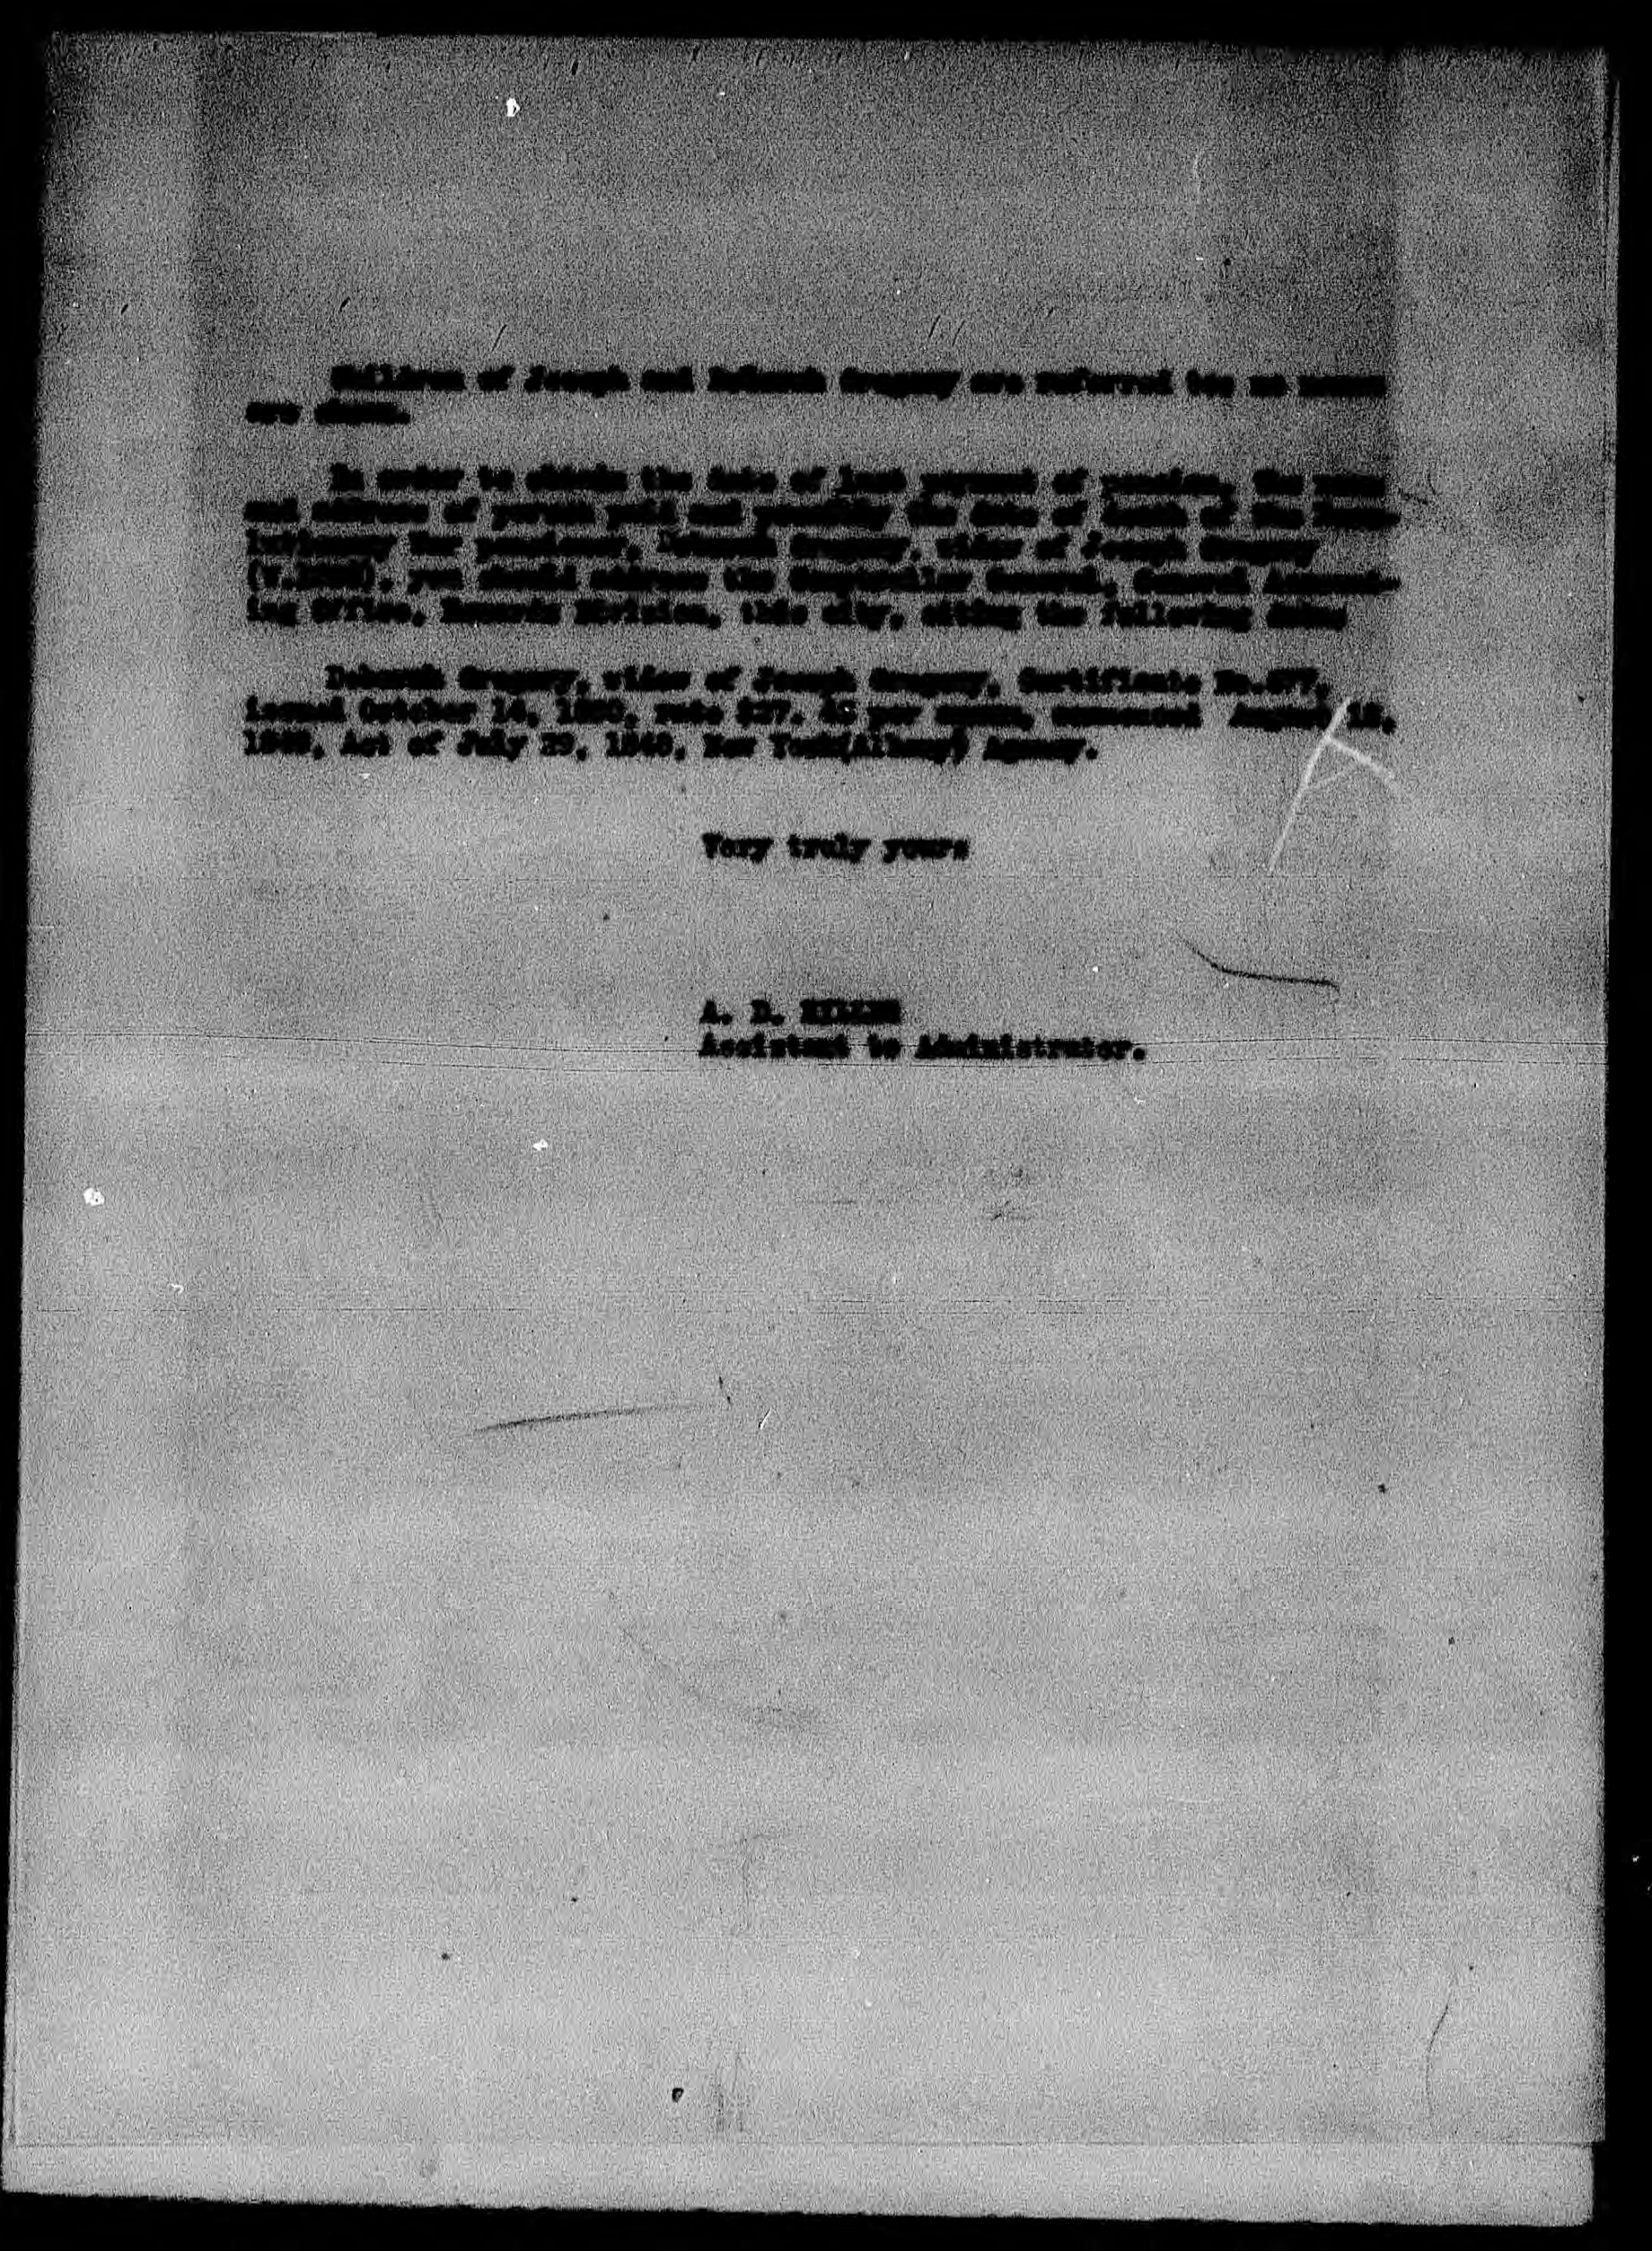Children of Joseph and Deborah Gregory are survived [Unlegible]
In order to obtain the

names: Deborah Gregory, Joseph Gregory, Deborah Gregory, Joseph Gregory, Deborah Gregory, Joseph Gregory, A D Hiller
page: 9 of 34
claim: widow's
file: W. 1596, Joseph Gregory, Conn.